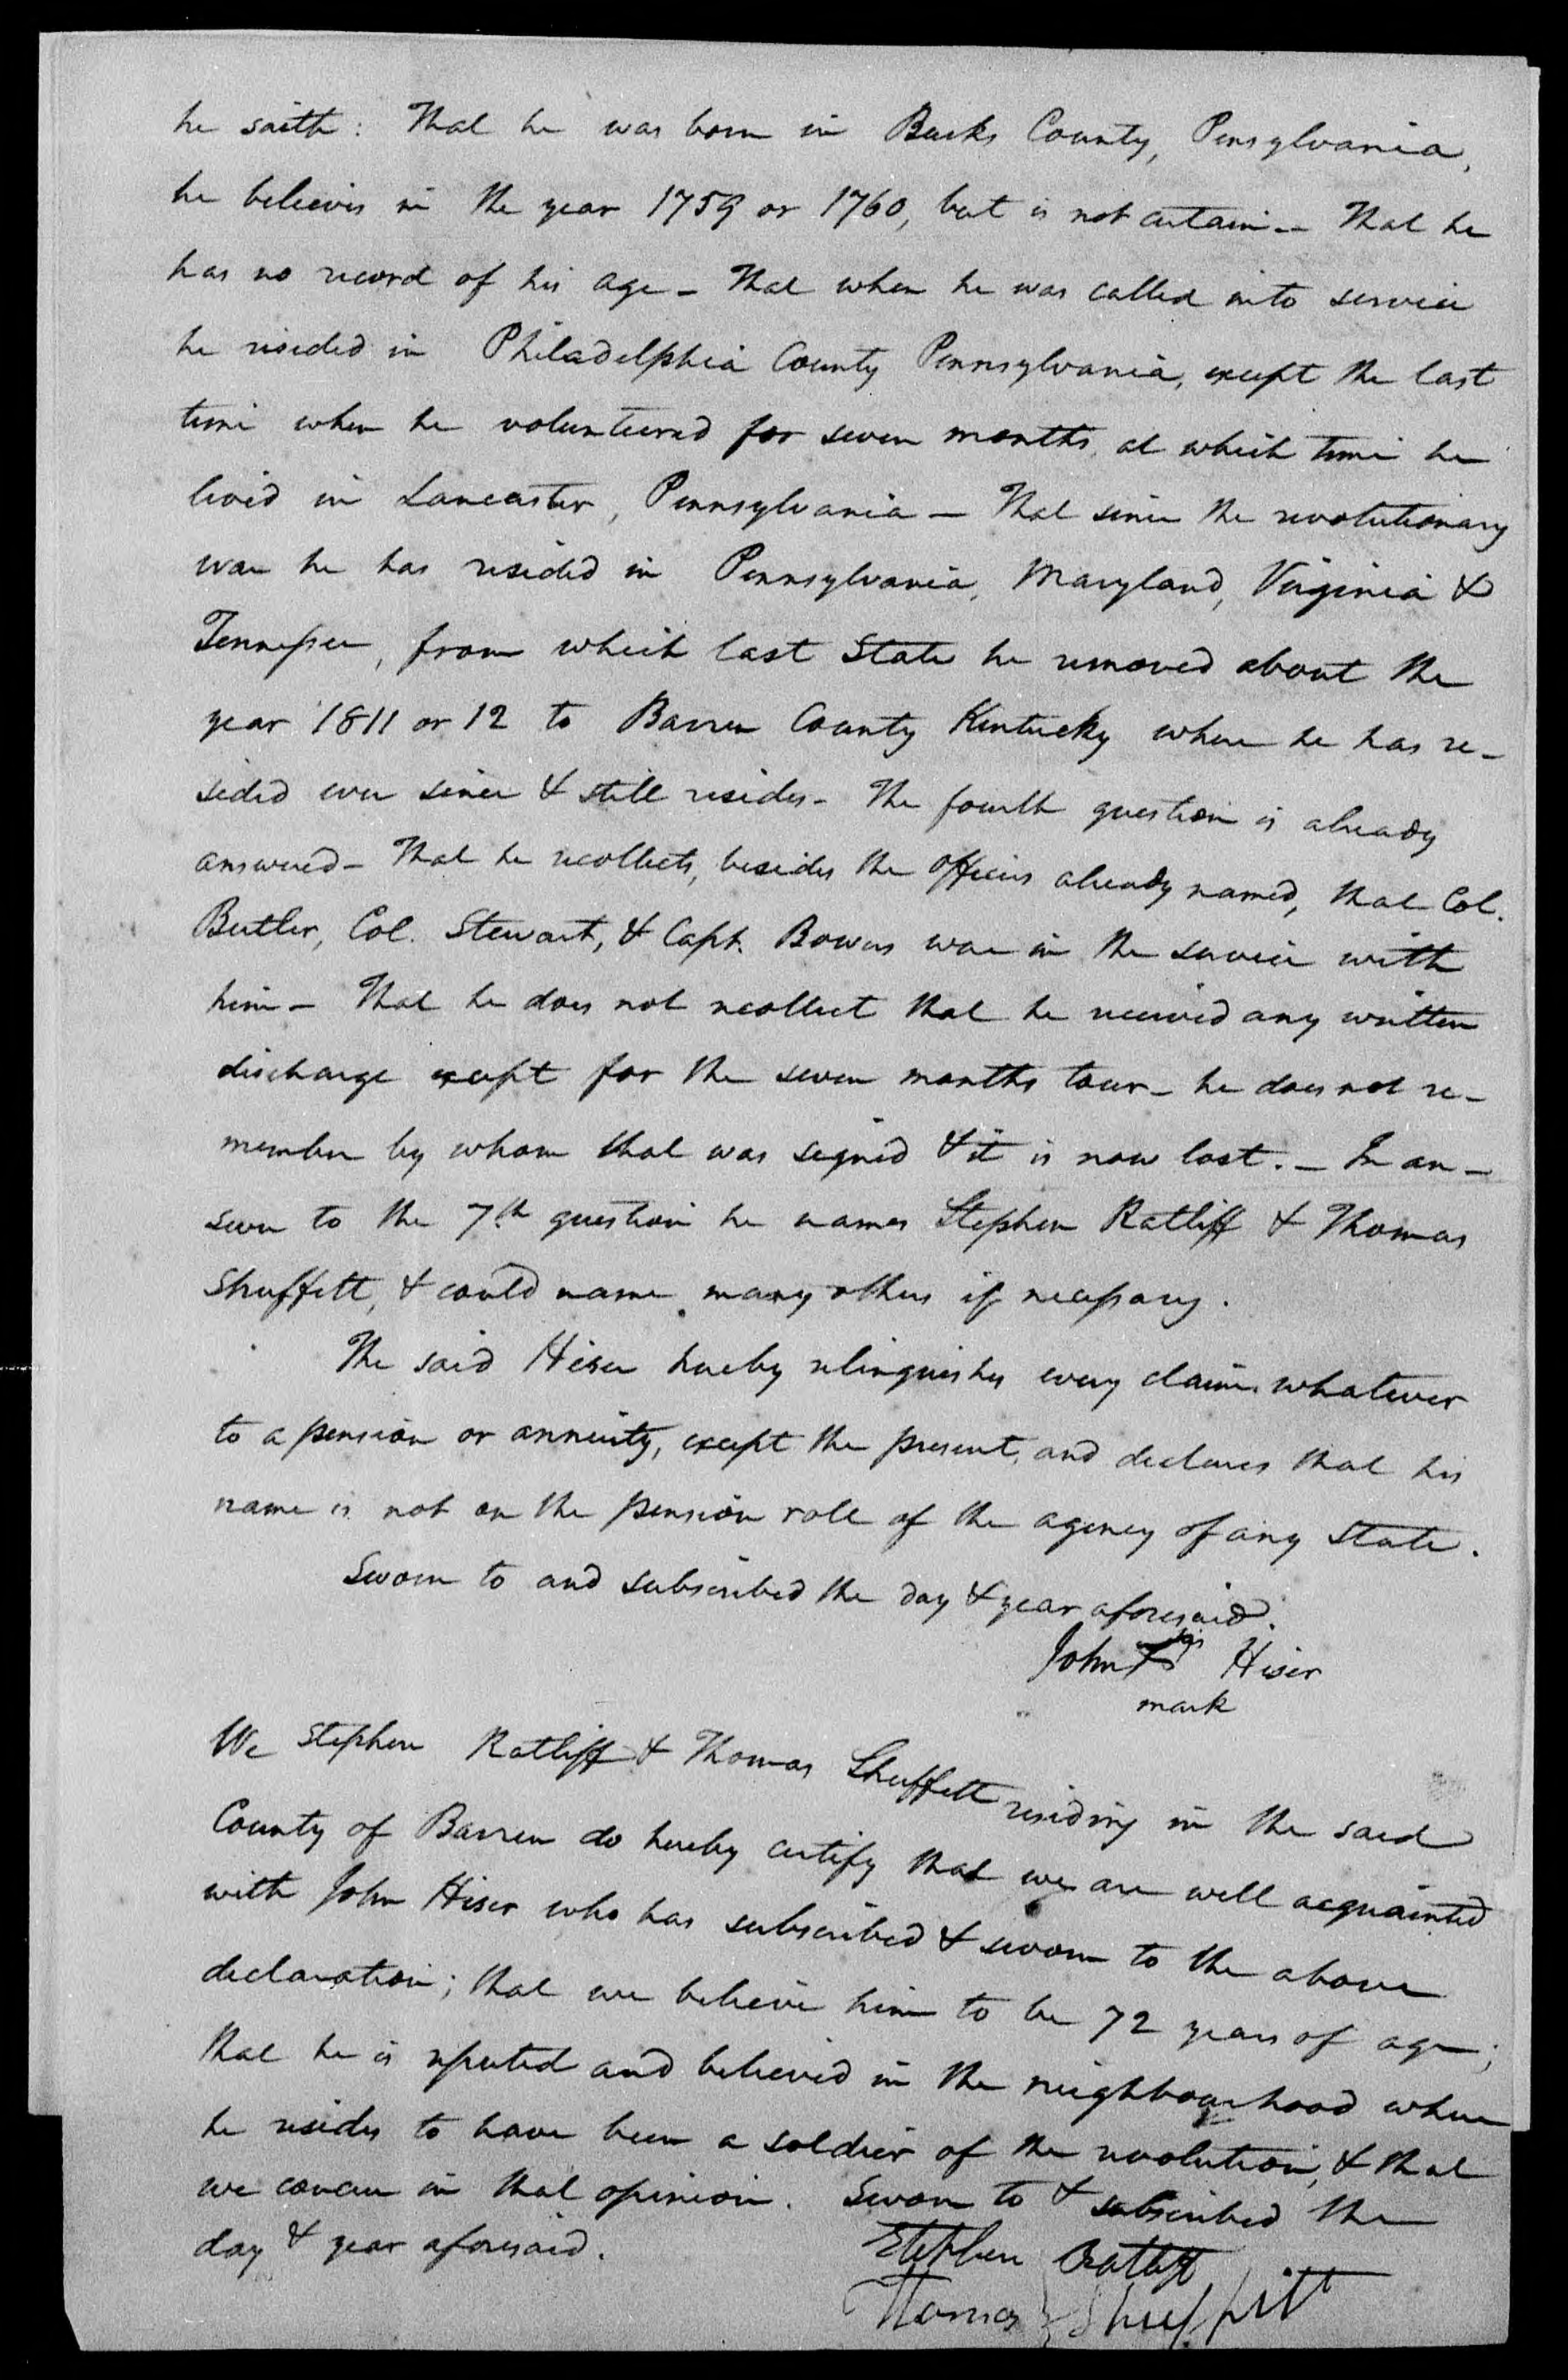he saith: That he was born in Berks County Pensylvania
he believes in the year 1759 or 1760, but is not certain. That he
has no record of his age. That when he was called into service
he resided in Philadelphia County Pennsylvania, except the last
time when he volunteered for seven months, at which time he
lived in Lancaster, Pennsylvania- That since the revolutionary war
he has resided in Pennsylvania, Maryland, Virginia &
Tennessee, from which last state he removed about the
year 1811 or 12 to Barren County Kentucky where he has
sided ever since & shall resides. The fourth question is already
answered - That he recollects, besides the officers already named, that Col.
Butler, Col. Stewart, & Capt. Bowers was in the service with
him. That he does not recollect that he received any written
discharge except for the seven months tour. he does not
remember by whom that was signed & it is now lost. - In
answer to the 7th question he names Stephen Ratliff & Thomas
Shuffett, & could name many others if necessary.
The said Hiser hereby relinquishes every claim whatever
to a pension or annuity, except the present, and declares that his
name is not on the pension roll of the agency of any State.
Sworn to and subscribed the day & year aforesaid.
John his X mark Hiser
We Stephen Ratliff & Thomas Shuffett residing in the said
County of Barren do hereby certify that we are well acquainted with
John Hiser who has subscribed & sworn to the above
declaration; that we believe him to be 72 years of age;
that he is reputed and believed in the neighbourhood when
he resides to have been a soldier of the revolution, & that
we concur in that opinion.
day & year aforesaid
Sworn to & subscribed the day and year aforesaid.
Stephen Ratliff
Thomas Shuffitt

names: Thomas Shuffitt, Stephen Ratliff, John Hiser, Thomas Shuffitt, Stephen Ratliff, Thomas Shuffitt, John Hiser, Stephen Ratliff, Butler, Hiser, Stewart, Bowers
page: 8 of 58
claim: widow's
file: W. 8932, John Hiser, Penn.